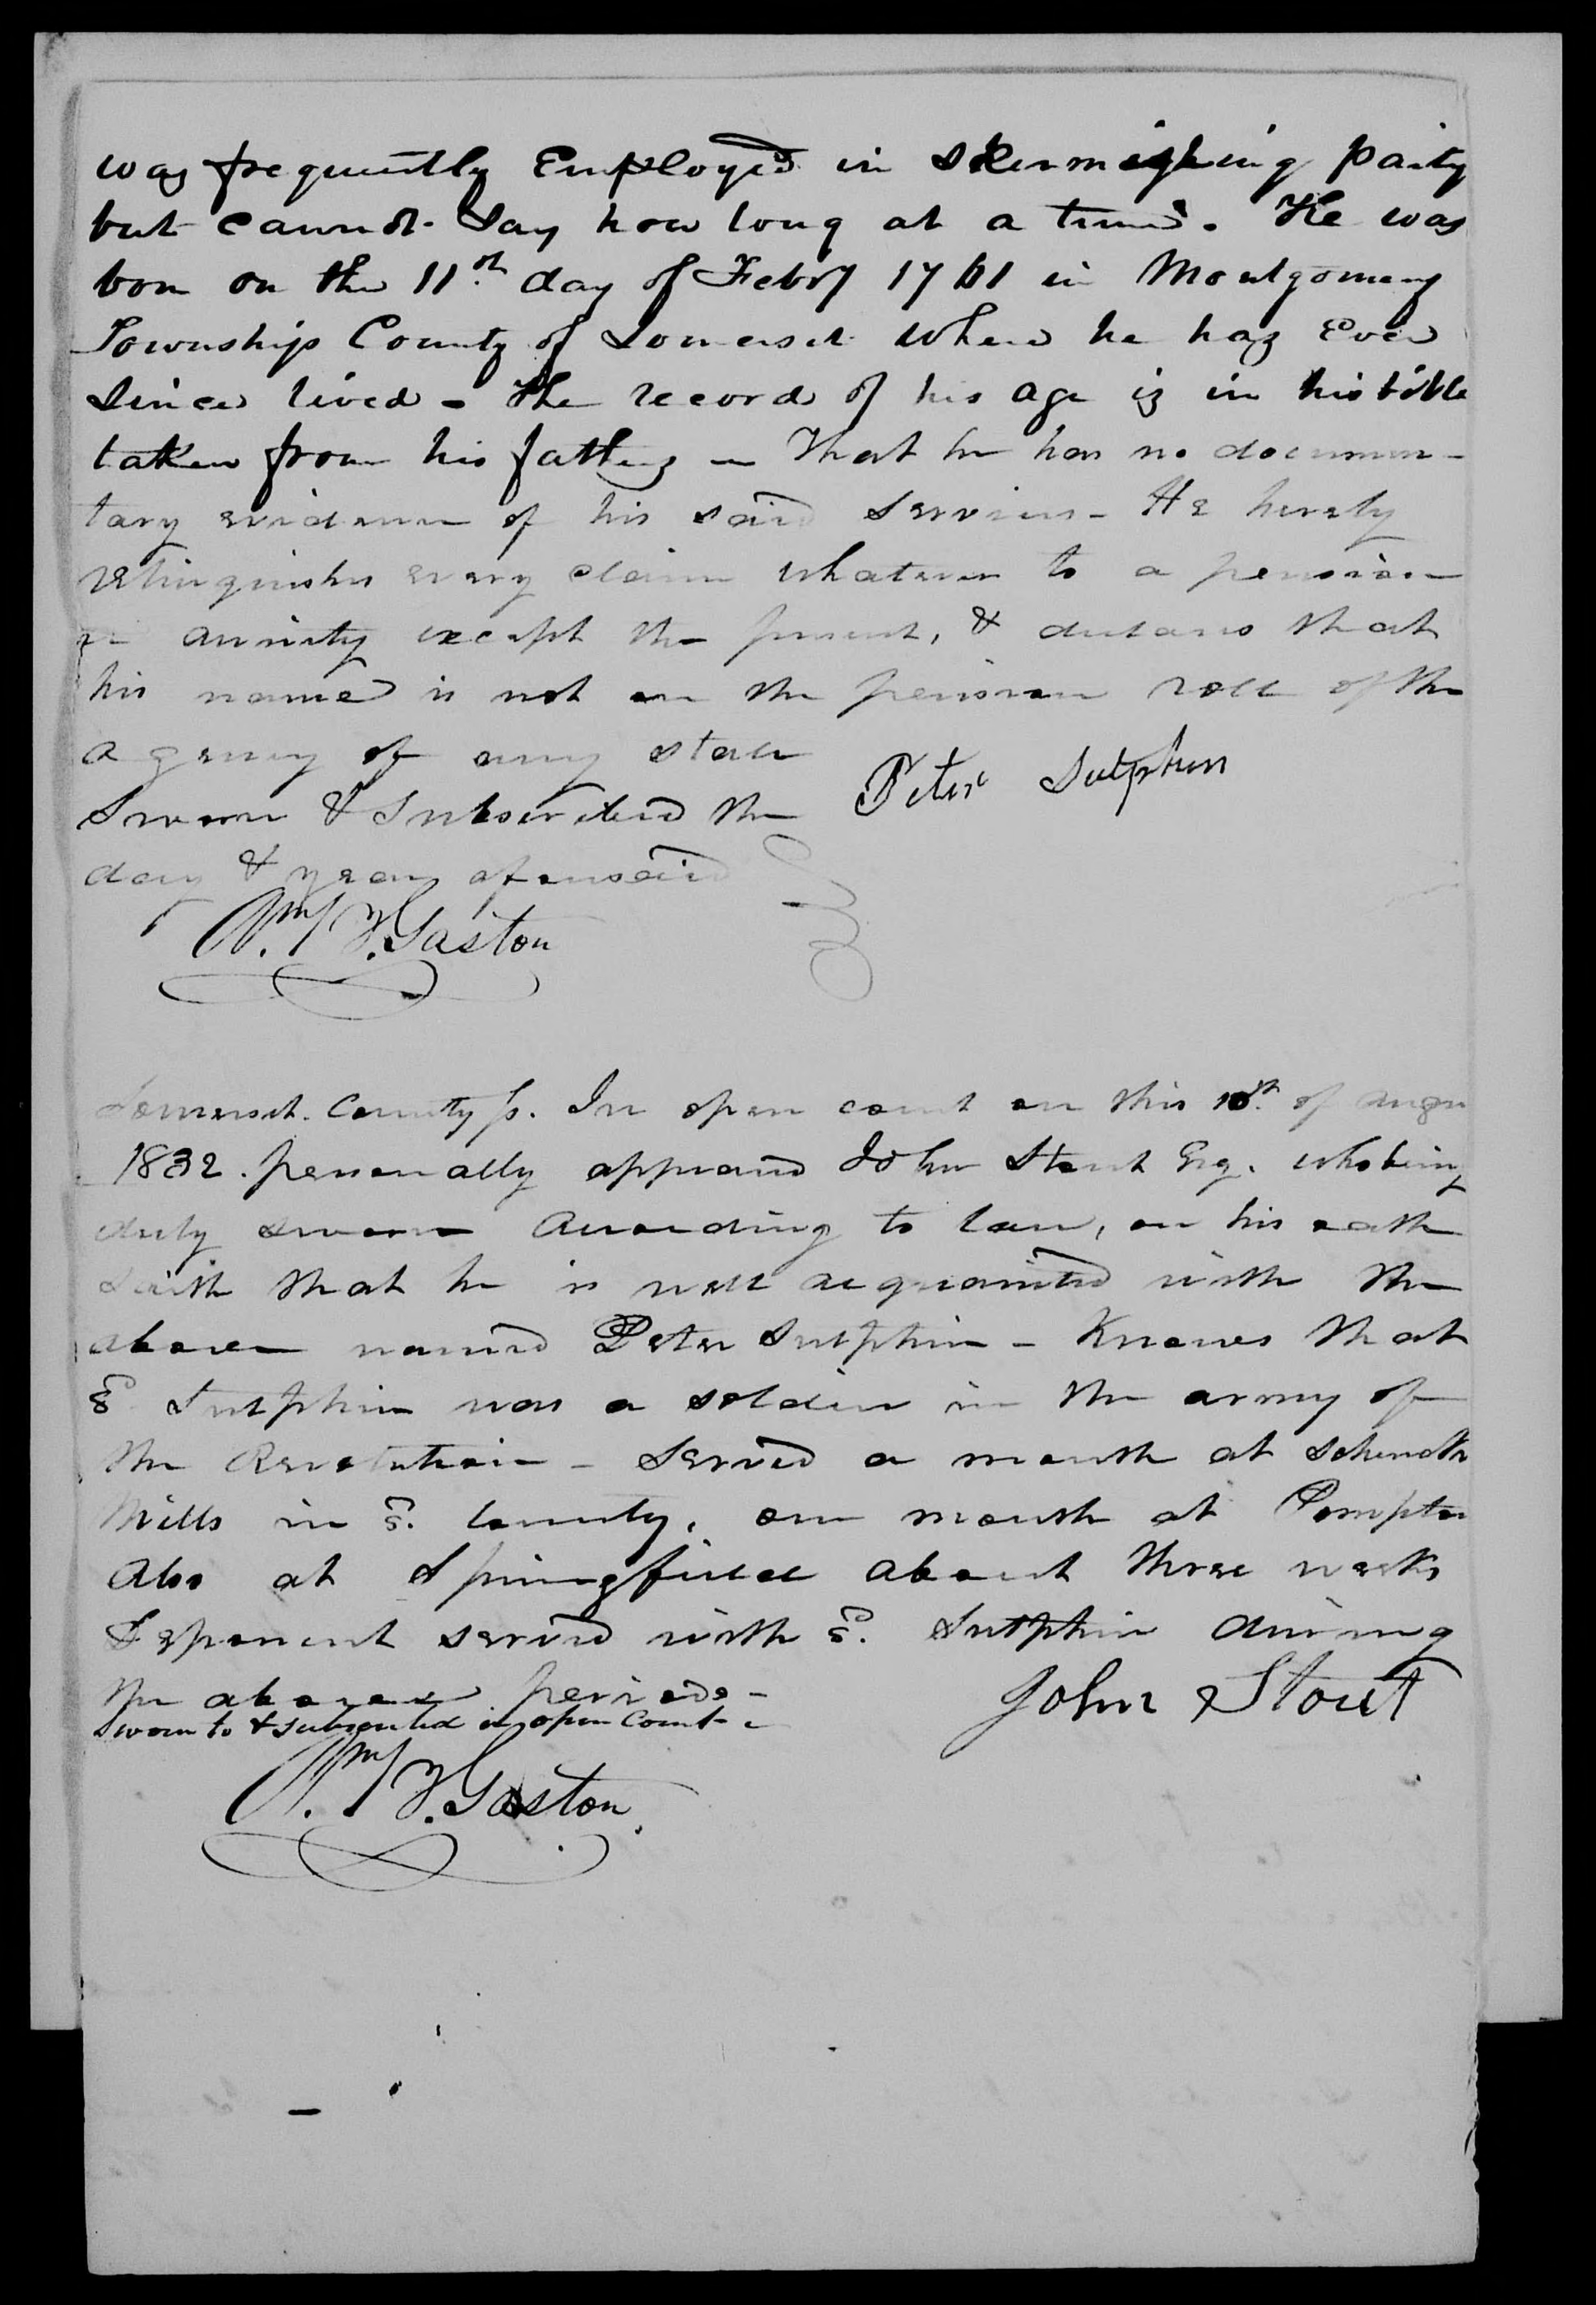...was frequently employed in skirmishing party but cannot say how long at a time. He was born on the 11th day of Feb. 1761 in Montgomery Township, County of Somerset, where he has ever since lived. The record of his age is in his bible taken from his fathers. That he has no documentary evidence of his said services. He hereby relinquishes every claim whatever to a pension or annuity except the present, & declares that his name is not on the pension roll of the agency of any state.
s/ Peter Sutphin

Sworn & subscribed the day & year aforesaid.
s/ A. Gaston

Somerset County//

In open court on this 10th of Aug. 1832 personally appeared John Stout, Esq., who being duly sworn according to law, on his oath saith that he is well acquainted with the above named Peter Sutphin, knows that said Sutphin was a solder in the army of the Revolution - served a month at Schenck Mills in said County, one month at Pompton. Also at Springfield about three weeks. Deponent served with said Sutphin during the above said periods.
s/ John Stout

Sworn to & subscribed in open Court
s/ A. Gaston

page: 4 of 14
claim: survivor's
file: S. 1119, for Peter Sutphen, New Jersey